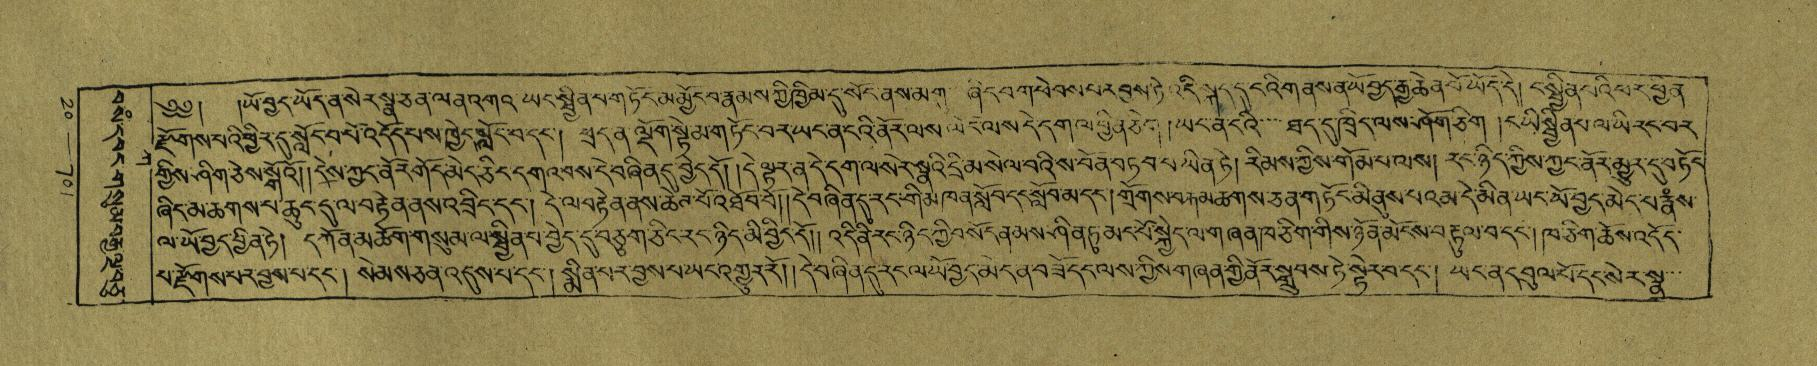༄༅། །ཡོ་བྱད་ཡོད་ན་སེར་སྣ་ཅན་ལན་འགའ་ཡང་སྦྱིན་པ་གཏོང་མ་མྱོང་བ་རྣམས་ཀྱི་ཁྱིམ་དུ་སོང་ནས་མགུ་ཞིང་བག་ཕེབས་པར་བྱས་ཏེ་འདི་སྐད་དུ་ངའི་གནས་ན་ཡོ་བྱད་རྒྱ་ཆེན་པོ་ཡོད་དེ། ང་སྦྱིན་པའི་ཕར་ཕྱིན་
རྫོགས་པའི་ཕྱིར་དུ་སློང་བ་པོ་འདོད་པས་ཁྱེད་སློང་བ་དང་། ཕྲད་ན་ལྡོག་སྟེ་མ་གཏོང་བར་ཡང་ན་ངའི་ནོར་ལས་ལོང་ལས་དེ་དག་ལ་བྱིན་ཅིག །ཡང་ན་ངའི་ཐད་དུ་ཁྲིད་ལས་ཤོག་ཅིག །ང་ཡི་སྦྱིན་པ་ལ་ཡི་རང་བར་
གྱིས་ཤིག་ཅེས་སྒོའོ། །དེས་ཀྱང་ནོར་གོད་མེད་ཅིང་དགའ་བས་དེ་བཞིན་དུ་བྱེད་དོ། །དེ་ལྟར་ན་དེ་དག་ལ་སེར་སྣའི་དྲི་མ་སེལ་བའི་ས་བོན་བཏབ་པ་ཡིན་ཏེ། རིམས་ཀྱིས་གོམ་པ་ལས། རང་ཉིད་ཀྱིས་ཀྱང་ནོར་མྱུར་དུ་བཏོང་
ཞིང་མ་ཆགས་པ་ཆུང་དུ་ལ་བརྟེན་ནས་འབྲིང་དང་། དེ་ལ་བརྟེན་ནས་ཆེན་པོ་འཐོབ་བོ། །དེ་བཞིན་དུ་རང་གི་མཁན་སློབ་དང་སློབ་མ་དང་། གྲོགས་བཀྲམ་ཆགས་ཅན་གཏོང་མི་ནུས་པའམ་དེ་མིན་ཡང་ཡོ་བྱད་མེད་པ་རྣཾས་
ལ་ཡོ་བྱད་བྱིན་ཏེ། དཀོན་མཆོག་གསུམ་ལ་སྦྱིན་པ་བྱེད་དུ་བཅུག་ཅིང་རང་ཉིད་མི་བྱིང་དོ། །འདི་ནི་རང་ཉིད་ཀྱི་བསོད་ནམས་ཤིན་ཏུ་མང་པོ་སྐྱེད་ལ་གཞན་ཁ་ཅིག་གིས་ཉོན་མོངས་བརྟུལ་བ་དང་། ཁ་ཅིག་ཆོས་འདོད་
པ་རྫོགས་པར་བྱས་པ་དང་། སེམས་ཅན་འདུས་པ་དང་། སྨིན་པར་བྱས་པ་ཡང་འགྱུར་རོ། །དེ་བཞིན་དུ་རང་ལ་ཡོ་བྱད་མེད་ན་བཟོ་དང་ལས་ཀྱིས་གཞན་གྱི་ནོར་སྒྲུབས་ཏེ་སྟེར་བ་དང་། ཡང་ན་དབུལ་པོ་དང་སེར་སྣ་